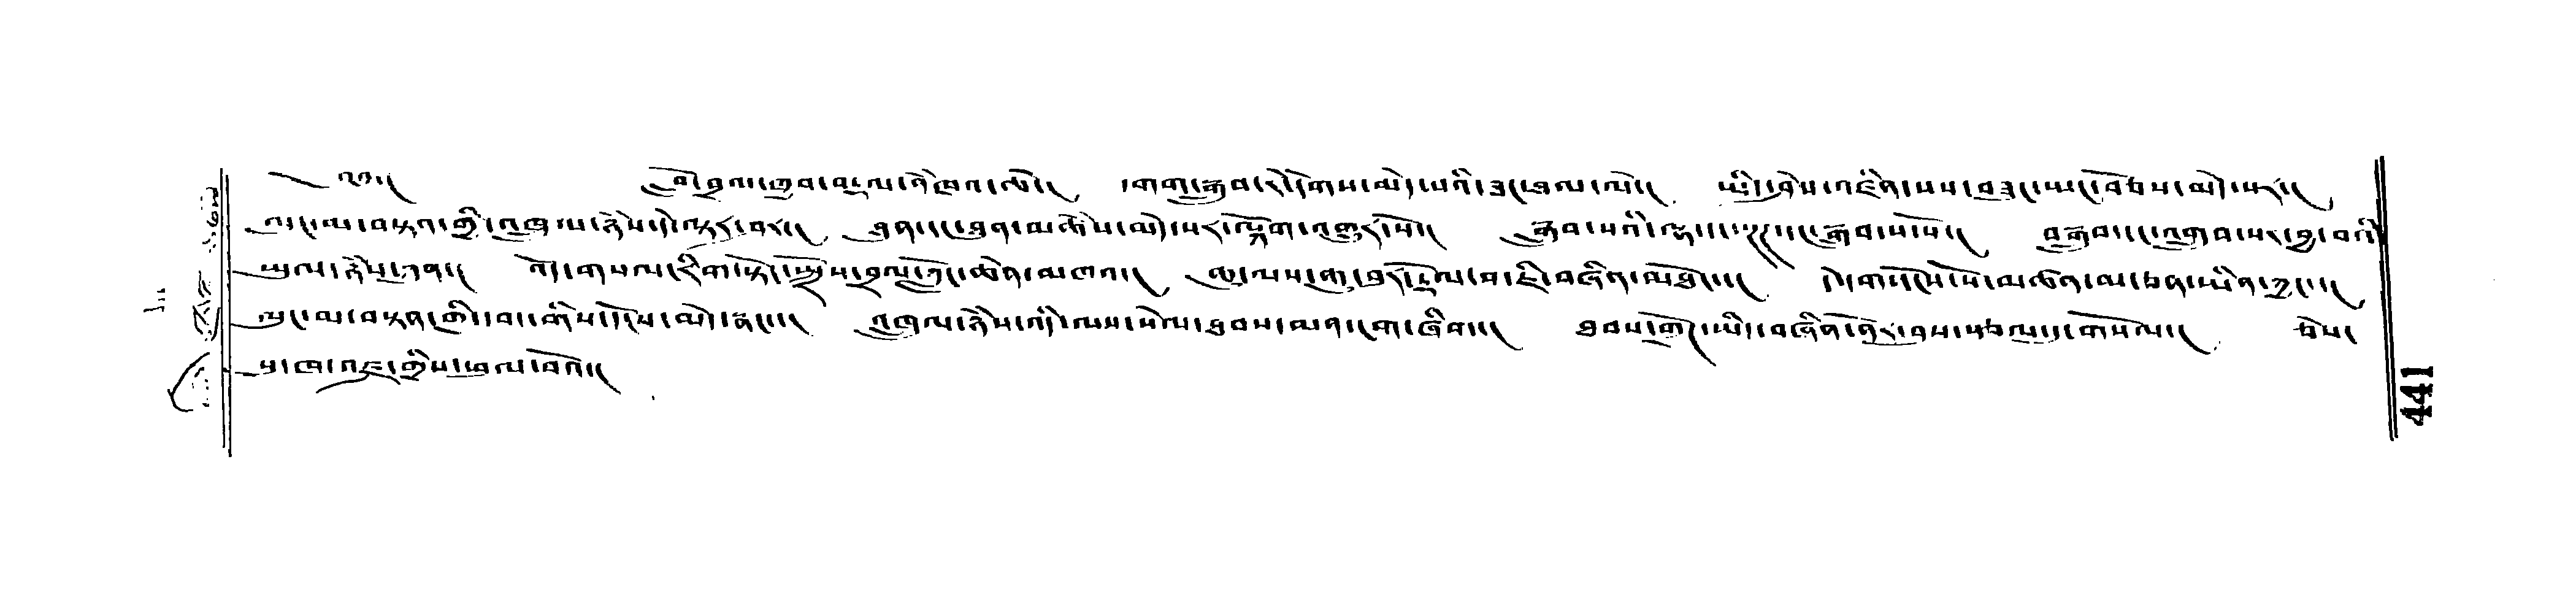བློ་བྲལ་ཁྱབ་བརྡལ་ནམ་མཁའ་ཆེ། །དགག་སྒྲུབ་རེ་དོགས་མེད་བའི་ཟང་ཐལ་ལོ། །ཡིད་ཤེས་འཛིན་པས་བཟུང་ཡང་བཅོས་མེད་པར། །
ལུང་མ་བསྟན་གྱི་འཁྲུལ་ཉམས་དེ་ལྟར་ཤར། །ཐུན་དང་ཐུན་མཚམས་མེད་པར་ལྐོག་འགྱུར་རོ། །སྒྲུབ་པའི་ལྷ་དང་སྔགས་དང་སྒྲུབ་པ་པོ། །བསྒྲུབ་དང་འགྲུབ་པར་བྱ་བའི་
ཡུལ་རྣམས་ཀུན། །འོད་གསལ་རིག་སྟོང་སྤྲོས་བྲལ་ཀློང་ཆེན་མཁའ། །ཆུ་ལས་ཆུ་བུར་རྡོལ་བ་ཇི་བཞིན་མཐོང་། །དེ་དག་དངོས་པོ་མཚན་མ་ཅན་ཡིན་ཀྱང་། །
ལུང་མ་བསྟན་གྱི་དབང་གིས་དངོས་མེད་སྣང་། །འཁྲུལ་ཉམས་འདི་ལས་སེལ་ཐབས་མན་ངག་ཞིག།ཐབས་གྲོགས་ཡིད་བཞིན་ནོར་བུས་བསྩལ་དུ་གསོལ། ཅེས་
སུ་ཁ་བཛྲ་གྱིས་ཕུལ་བའོ།།